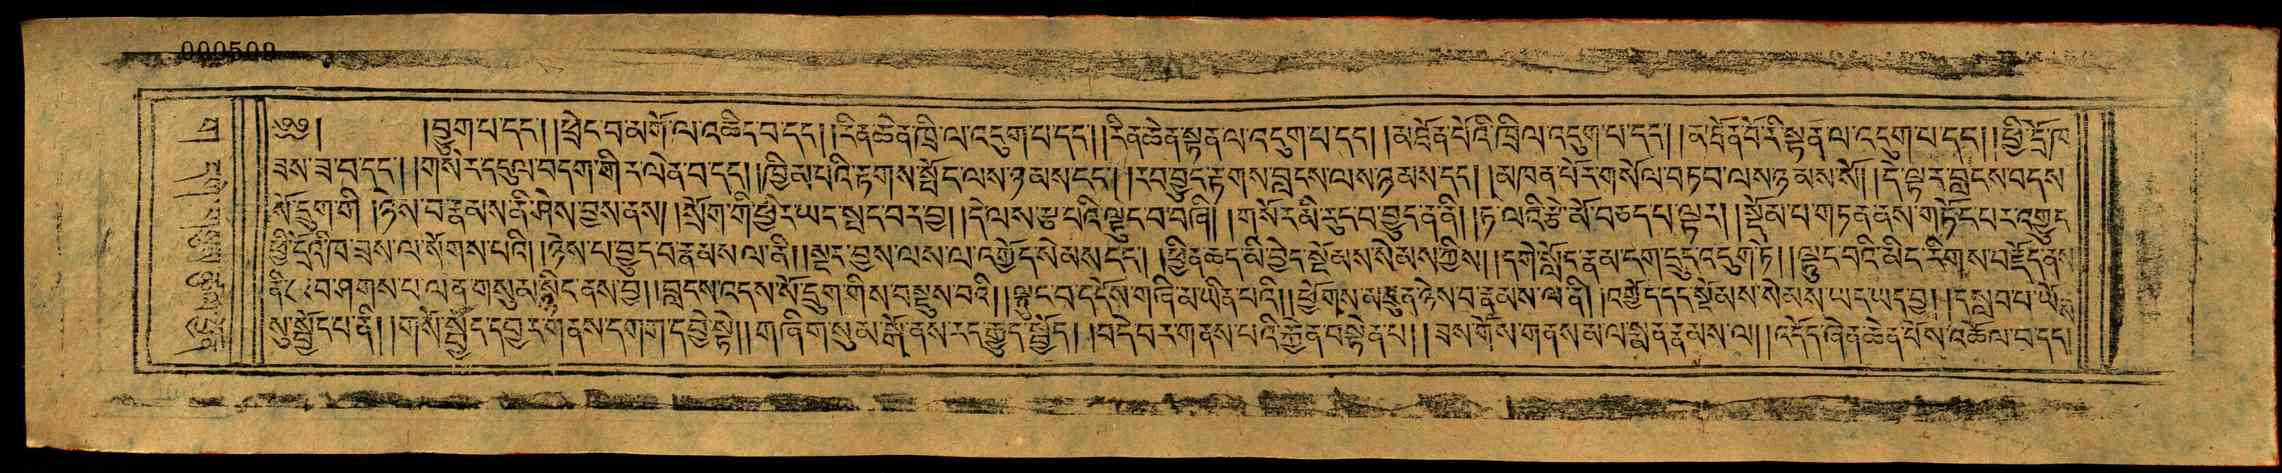༄༅། །བྱུག་པ་དང་། །ཕྲེང་བ་མགོ་ལ་འཆིང་བ་དང་། །རིན་ཆེན་ཁྲི་ལ་འདུག་པ་དང་། །རིན་ཆེན་སྟན་ལ་འདུག་པ་དང་། །མཐོན་པོའི་ཁྲི་ལ་འདུག་པ་དང་། །མཐོན་པོའི་སྟན་ལ་འདུག་པ་དང་། །ཕྱི་དྲོ་ཁ་
ཟས་ཟ་བ་དང་། །གསེར་དངུལ་བདག་གིར་ལེན་པ་དང་། །ཁྱིམ་པའི་རྟགས་སྤོང་ལས་ཉམས་དང་། །རབ་བྱུང་རྟགས་བླངས་ལས་ཉམས་དང་། །མཁན་པོར་གསོལ་བཏབ་ལས་ཉམས་སོ། །དེ་ལྟར་བླངས་འདས་
སོ་དྲུག་གི །ཉེས་པ་རྣམས་ནི་ཤེས་བྱས་ནས། །སྲོག་གི་ཕྱིར་ཡང་སྤང་བར་བྱ། །དེ་ལས་རྩ་པའི་ལྟུང་བ་བཞི། །གསོར་མི་ཟུང་བ་བྱུང་ན་ནི། །ཏ་ལའི་རྩེ་མོ་བཅད་པ་ལྟར། །སྡོམ་པ་གཏན་ནས་གཏོང་བར་འགྱུར་
ཕྱི་དྲོའི་ཁ་ཟས་ལ་སོགས་པའི། །ཉེས་པ་བྱུང་བ་རྣམས་ལ་ནི། །སྔར་བྱས་ལས་ལ་འགྱོད་སེམས་དང་། །ཕྱིན་ཆད་མི་བྱེད་སྡོམས་སེམས་ཀྱིས། །དགེ་སློང་རྣམ་དག་དྲུང་འདུག་ཏེ། །ལྟུང་བའི་མིང་རིགས་བརྗོད་ནས་
ནི། །བཤགས་པ་ལན་གསུམ་སྙིང་ནས་བྱ། །བླངས་འདས་སོ་དྲུག་གིས་བསྡུས་པའི། །ལྟུང་བ་དངོས་གཞི་མ་ཡིན་པའི། །ཕྱོགས་མཐུན་ཉེས་པ་རྣམས་ལ་ནི། །འགྱོད་དང་སྡོམས་སེམས་ཡང་ཡང་བྱ། །བསླབ་པ་ཡོངས་
སུ་སྤྱོད་པ་ནི། །གསོ་སྦྱོང་དབྱར་གནས་དགག་དབྱེ་སྟེ། །གཞི་གསུམ་སྒོ་ནས་རང་རྒྱུད་སྦྱོང་། །བདེ་བར་གནས་པའི་རྐྱེན་བསྟེན་པ། །ཟས་གོས་གནས་མལ་སྨན་རྣམས་ལ། །འདོད་ཞེན་ཆེན་པོས་འཚོལ་བ་དང་།